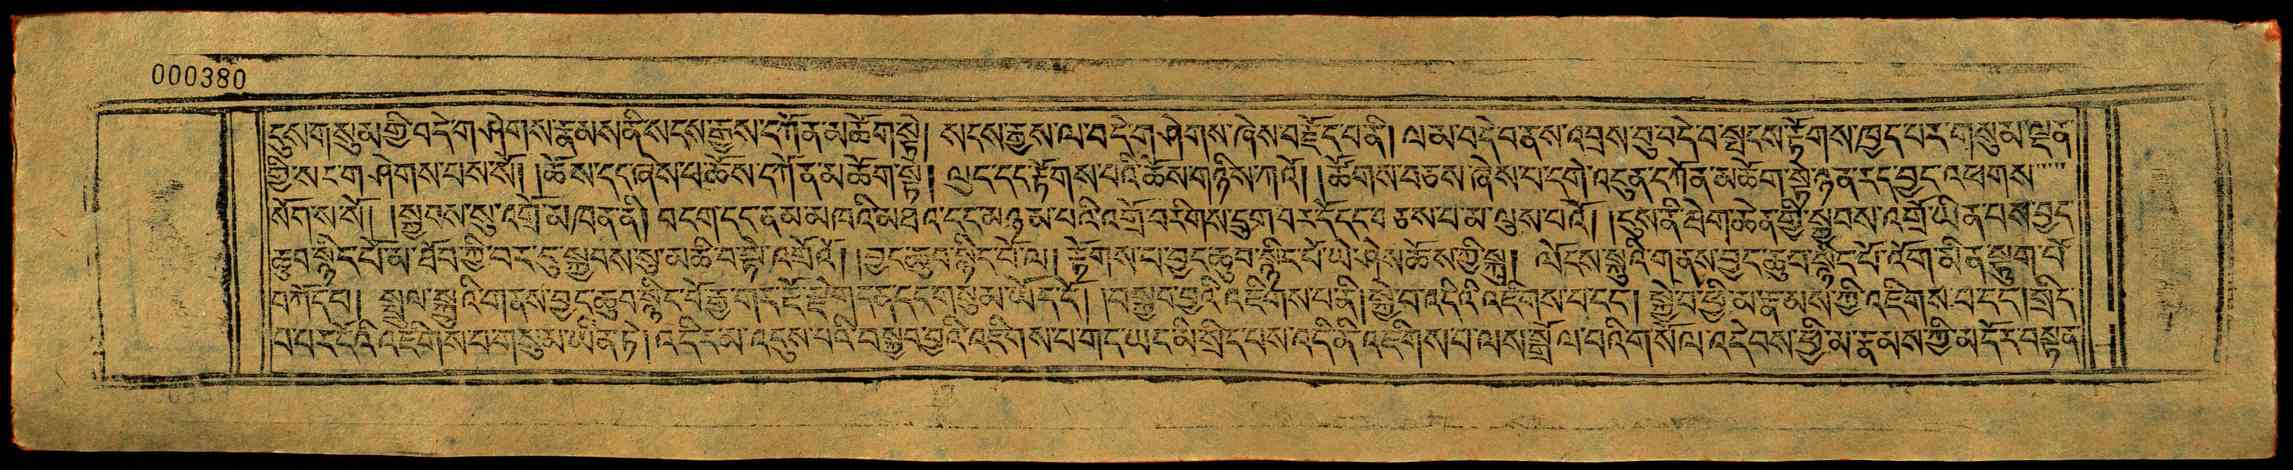དུས་གསུམ་གྱི་བདེ་གཤེགས་རྣམས་ནི་སངས་རྒྱས་དཀོན་མཆོག་སྟེ། སངས་རྒྱས་ལ་བདེ་གཤེགས་ཞེས་བརྗོད་པ་ནི། ལམ་བདེ་བ་ནས་འབྲས་བུ་བདེ་བ་སྤངས་རྟོགས་ཁྱད་པར་གསུམ་ལྡན་
གྱི་སར་གཤེགས་པས་སོ། །ཆོས་དང་ཞེས་པ་ཆོས་དཀོན་མཆོག་སྟེ། ལུང་དང་རྟོགས་པའི་ཆོས་གཉིས་ཀའོ། །ཚོགས་བཅས་ཞེས་པ་དགེ་འདུན་དཀོན་མཆོག་སྟེ་ཉན་རང་བྱང་འཕགས་
སོགས་སོ། །སྐྱབས་སུ་འགྲོ་མཁན་ནི། བདག་དང་ནམ་མཁའི་མཐའ་དང་མཉམ་པའི་འགྲོ་བ་རིགས་དྲུག་པར་དོ་དང་བཅས་པ་མ་ལུས་པའོ། །དུས་ནི་ཐེག་ཆེན་གྱི་སྐྱབས་འགྲོ་ཡིན་པས་བྱང་
ཆུབ་སྙིང་པོ་མ་ཐོབ་ཀྱི་བར་དུ་སྐྱབས་སུ་མཆི་བ་སྟེ་འགྲོའོ། །བྱང་ཆུབ་སྙིང་པོ་ལ། རྟོགས་པ་བྱང་ཆུབ་སྙིང་པོ་ཡེ་ཤེས་ཆོས་ཀྱི་སྐུ། ལོངས་སྐུའི་གནས་བྱང་ཆུབ་སྙིང་པོ་འོག་མིན་སྟུག་པོ་
བཀོད་པ། སྤྲུལ་སྐུའི་གནས་བྱང་ཆུབ་སྙིང་པོ་རྒྱ་གར་རྡོ་རྗེ་གདན་དང་གསུམ་ཡོད་དོ། །བསྐྱབ་བྱའི་འཇིགས་པ་ནི། སྐྱབ་འདི་ལ་འཇིགས་པ་དང་། སྐྱབ་ཕྱི་མ་རྣམས་ཀྱི་འཇིགས་པ་དང་། སྲིད་
པ་བར་དོའི་འཇིགས་པ་གསུམ་ཡིན་ཏེ། འདིར་མ་འདུས་པའི་བསྐྱབ་བྱའི་འཇིགས་པ་གང་ཡང་མི་སྲིད་པས་འདི་ནི་འཇིགས་པ་ལས་སྒྲོལ་བའི་གསོལ་འདེབས་ཕྱི་མ་རྣམས་ཀྱི་མདོར་བསྟན་